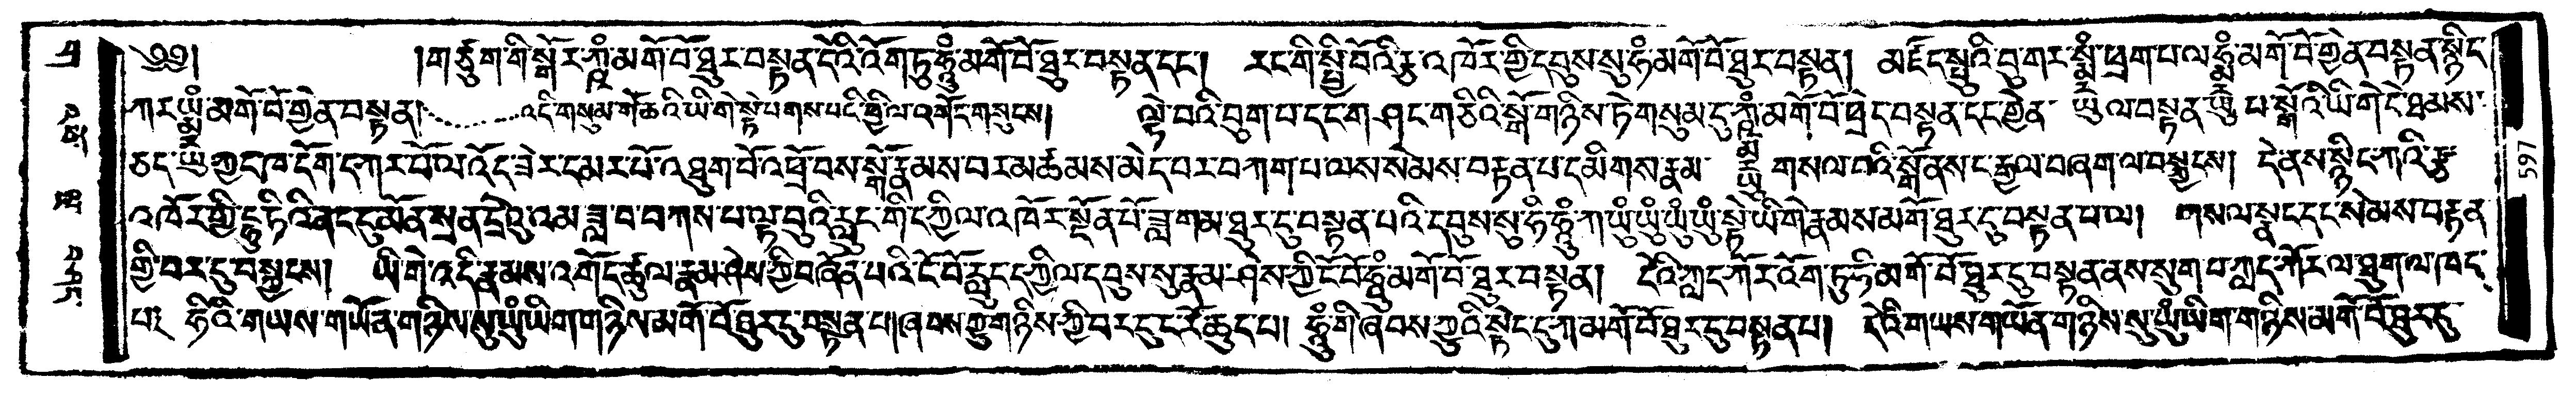༄༅། །གཙུག་གི་སྒོར་ཀྵཾ་མགོ་བོ་ཐུར་བསྟན་དེའི་འོག་ཏུ་ཧཱུཾ་མགོ་བོ་ཐུར་བསྟན་དང་། རང་གི་སྤྱི་བོའི་རྩ་འཁོར་གྱི་དབུས་སུ་ཧཾ་མགོ་བོ་ཐུར་བསྟན། མཛོད་སྤུའི་བུ་གར་སྨྲྱུཾ་ཕྲག་པ་ལ་ཧྨྲྱུཾ་མགོ་བོ་གྱེན་བསྟན་སྙིང་
ཀར་ཡྨྲྱུཾ་མགོ་བོ་གྱེན་བསྟན། འདི་གསུམ་གོ་ཆའི་ཡི་གེ་སྟེ་པགས་པའི་ཕྱི་ལ་འགོད་གསུངས།  ལྟེ་བའི་བུག་པ་དང་གཤང་གཅིའི་སྒོ་གཉིས་ཏེ་གསུམ་དུ་ཀྵྨྲྱུཾ་མགོ་བོ་ཕྲེད་བསྟན་དང་གྱེན་བསྟན་པ་སྒོའི་ཡི་གེ་དེ་ཐམས་
ཅད་ཀྱང་ཁ་དོག་དཀར་པོ་ལ་འོད་ཟེར་དམར་པོ་འཐུག་པོ་འཕྲོ་བས་སྒོ་རྣམས་པར་མཚམས་མེད་པར་བཀག་པ་ལས་སེམས་བརྟན་པ་དམིགས་རྣམ་གསལ་བའི་སྒོ་ནས་ང་རྒྱལ་བཞག་ལ་བསྐྱངས། དེ་ནས་སྙིང་ཀའི་རྩ་
འཁོར་གྱི་དྷུ་ཏིའི་ནང་དུ་མོན་སྲན་དྲེའུ་འམ་ཟླ་བ་བཀས་པ་ལྟ་བུའི་རླུང་གི་དཀྱིལ་འཁོར་སྔོན་པོ་ཟླ་གམ་ཐུར་དུ་བསྟན་པའི་དབུས་སུ་ཧཾ་ཧཱུཾ་ཀ་ཡུཾ་ཡུཾ་ཡུཾ་སྟེ་ཡི་གེ་རྣམས་མགོ་ཐུར་དུ་བསྟན་པ་ལ། གསལ་སྣང་དང་སེམས་བརྟན་
གྱི་བར་དུ་བསྐྱངས། ཡི་གེ་འདི་རྣམས་འགོང་ཚུལ་རྣམ་ཤེས་ཀྱི་བཞོན་པའི་ངོ་བོ་རླུང་དཀྱིལ་དབུས་སུ་རྣམ་ཤེས་ཀྱི་ངོ་བོ་ཧཱུཾ་མགོ་བོ་ཐུར་བསྟན། དེའི་ཀླད་ཀོར་འོག་ཏུ་ཧི་མགོ་བོ་ཐུར་དུ་བསྟན་ནས་སུག་པ་ཀླད་ཀོར་ལ་ཐུག་ལ་ཁང་
པ༑ ཧིའི་གཡས་གཡོན་གཉིས་སུ་ཡུཾ་ཡིག་གཉིས་མགོ་བོ་ཐུར་དུ་བསྟན་པ། ཞབས་ཀྱུ་གཉིས་ཀྱི་བར་དུ་ང་རོ་ཆུད་པ། ཧཱུཾ་གི་ཞབས་ཀྱུའི་སྟེང་དུ་ཀ་མགོ་བོ་ཐུར་དུ་བསྟན་པ། དེའི་གཡས་གཡོན་གཉིས་སུ་ཡུཾ་ཡིག་གཉིས་མགོ་བོ་ཐུར་དུ་